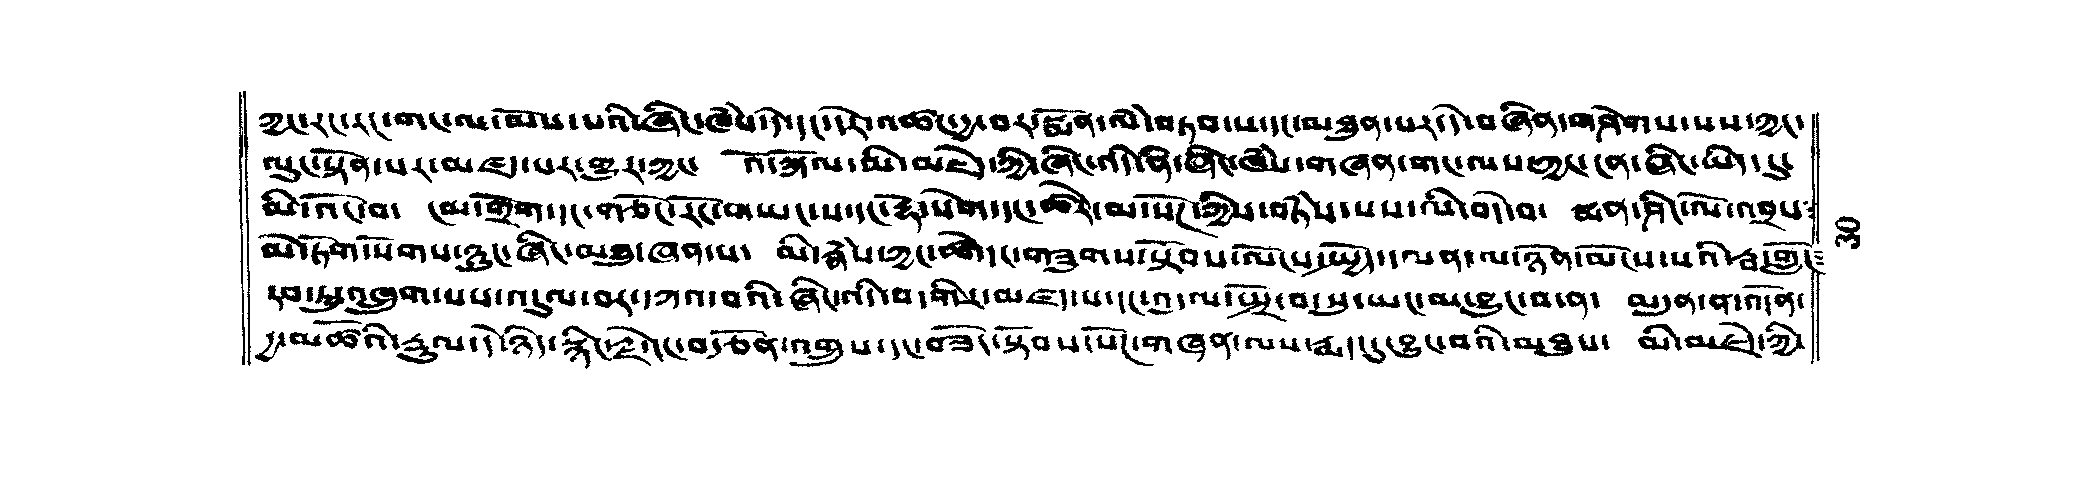ཀྱང་རང་རང་གང་ལ་མོས་པའི་ཞིང་ཁམས་དེ་དང་དེར་འཚང་རྒྱ་བར་སྨོན་ལམ་བཏབ་པ་དང་མཐུན་པར་དེ་བཞིན་གཤེགས་པས་ཀྱང་
ལུང་སྟོན་པར་མཛད་པར་གྱུར་ཀྱང་། འོ་སྐོལ་མི་མཇེད་ཀྱི་ཞིང་འདི་ནི་ཞིང་ཁམས་གཞན་གང་ལས་ཀྱང་ངན་ཞིང་ཡིད་དུ་
མི་འོང་བ། ངམ་གྲོག་དང་གཅོང་རོང་གཡང་ས་དང་རྡོ་སེག་དང་ཚེར་མ་སོགས་ཀྱིས་བཏམས་པས་མི་བདེ་བ། སྨན་ཤིང་ལོ་འབྲས་
མེ་ཏོག་སོགས་ཉུང་ཞིང་མཐུ་ཞན་པ། མི་རྣམས་ཀྱང་ཚེ་དང་གཟུགས་སྟོབས་ལོངས་སྤྱོད་དམན་ལ་ཉོན་མོངས་པའི་རྦ་གློང་
རབ་ཏུ་འཁྲུག་པས་འདུལ་བར་དཀའ་བའི་ཞིང་འདི་བ་བདག་གིར་མཛད་པ་དང་འདུལ་སྤྲོ་བ་སུ་ཡང་མ་བྱུང་བ་ན། མདུན་ན་འདོན་
རྒྱ་མཚོའི་རྡུལ་དེ་ནིད་སྙིང་རྗེ་དང་བརྩོན་འགྲུས་དང་བཟོད་སྟོབས་སོགས་གཞན་ལས་རྨད་དུ་བྱུང་བའི་མཐུས། མི་མཇེད་ཀྱི་